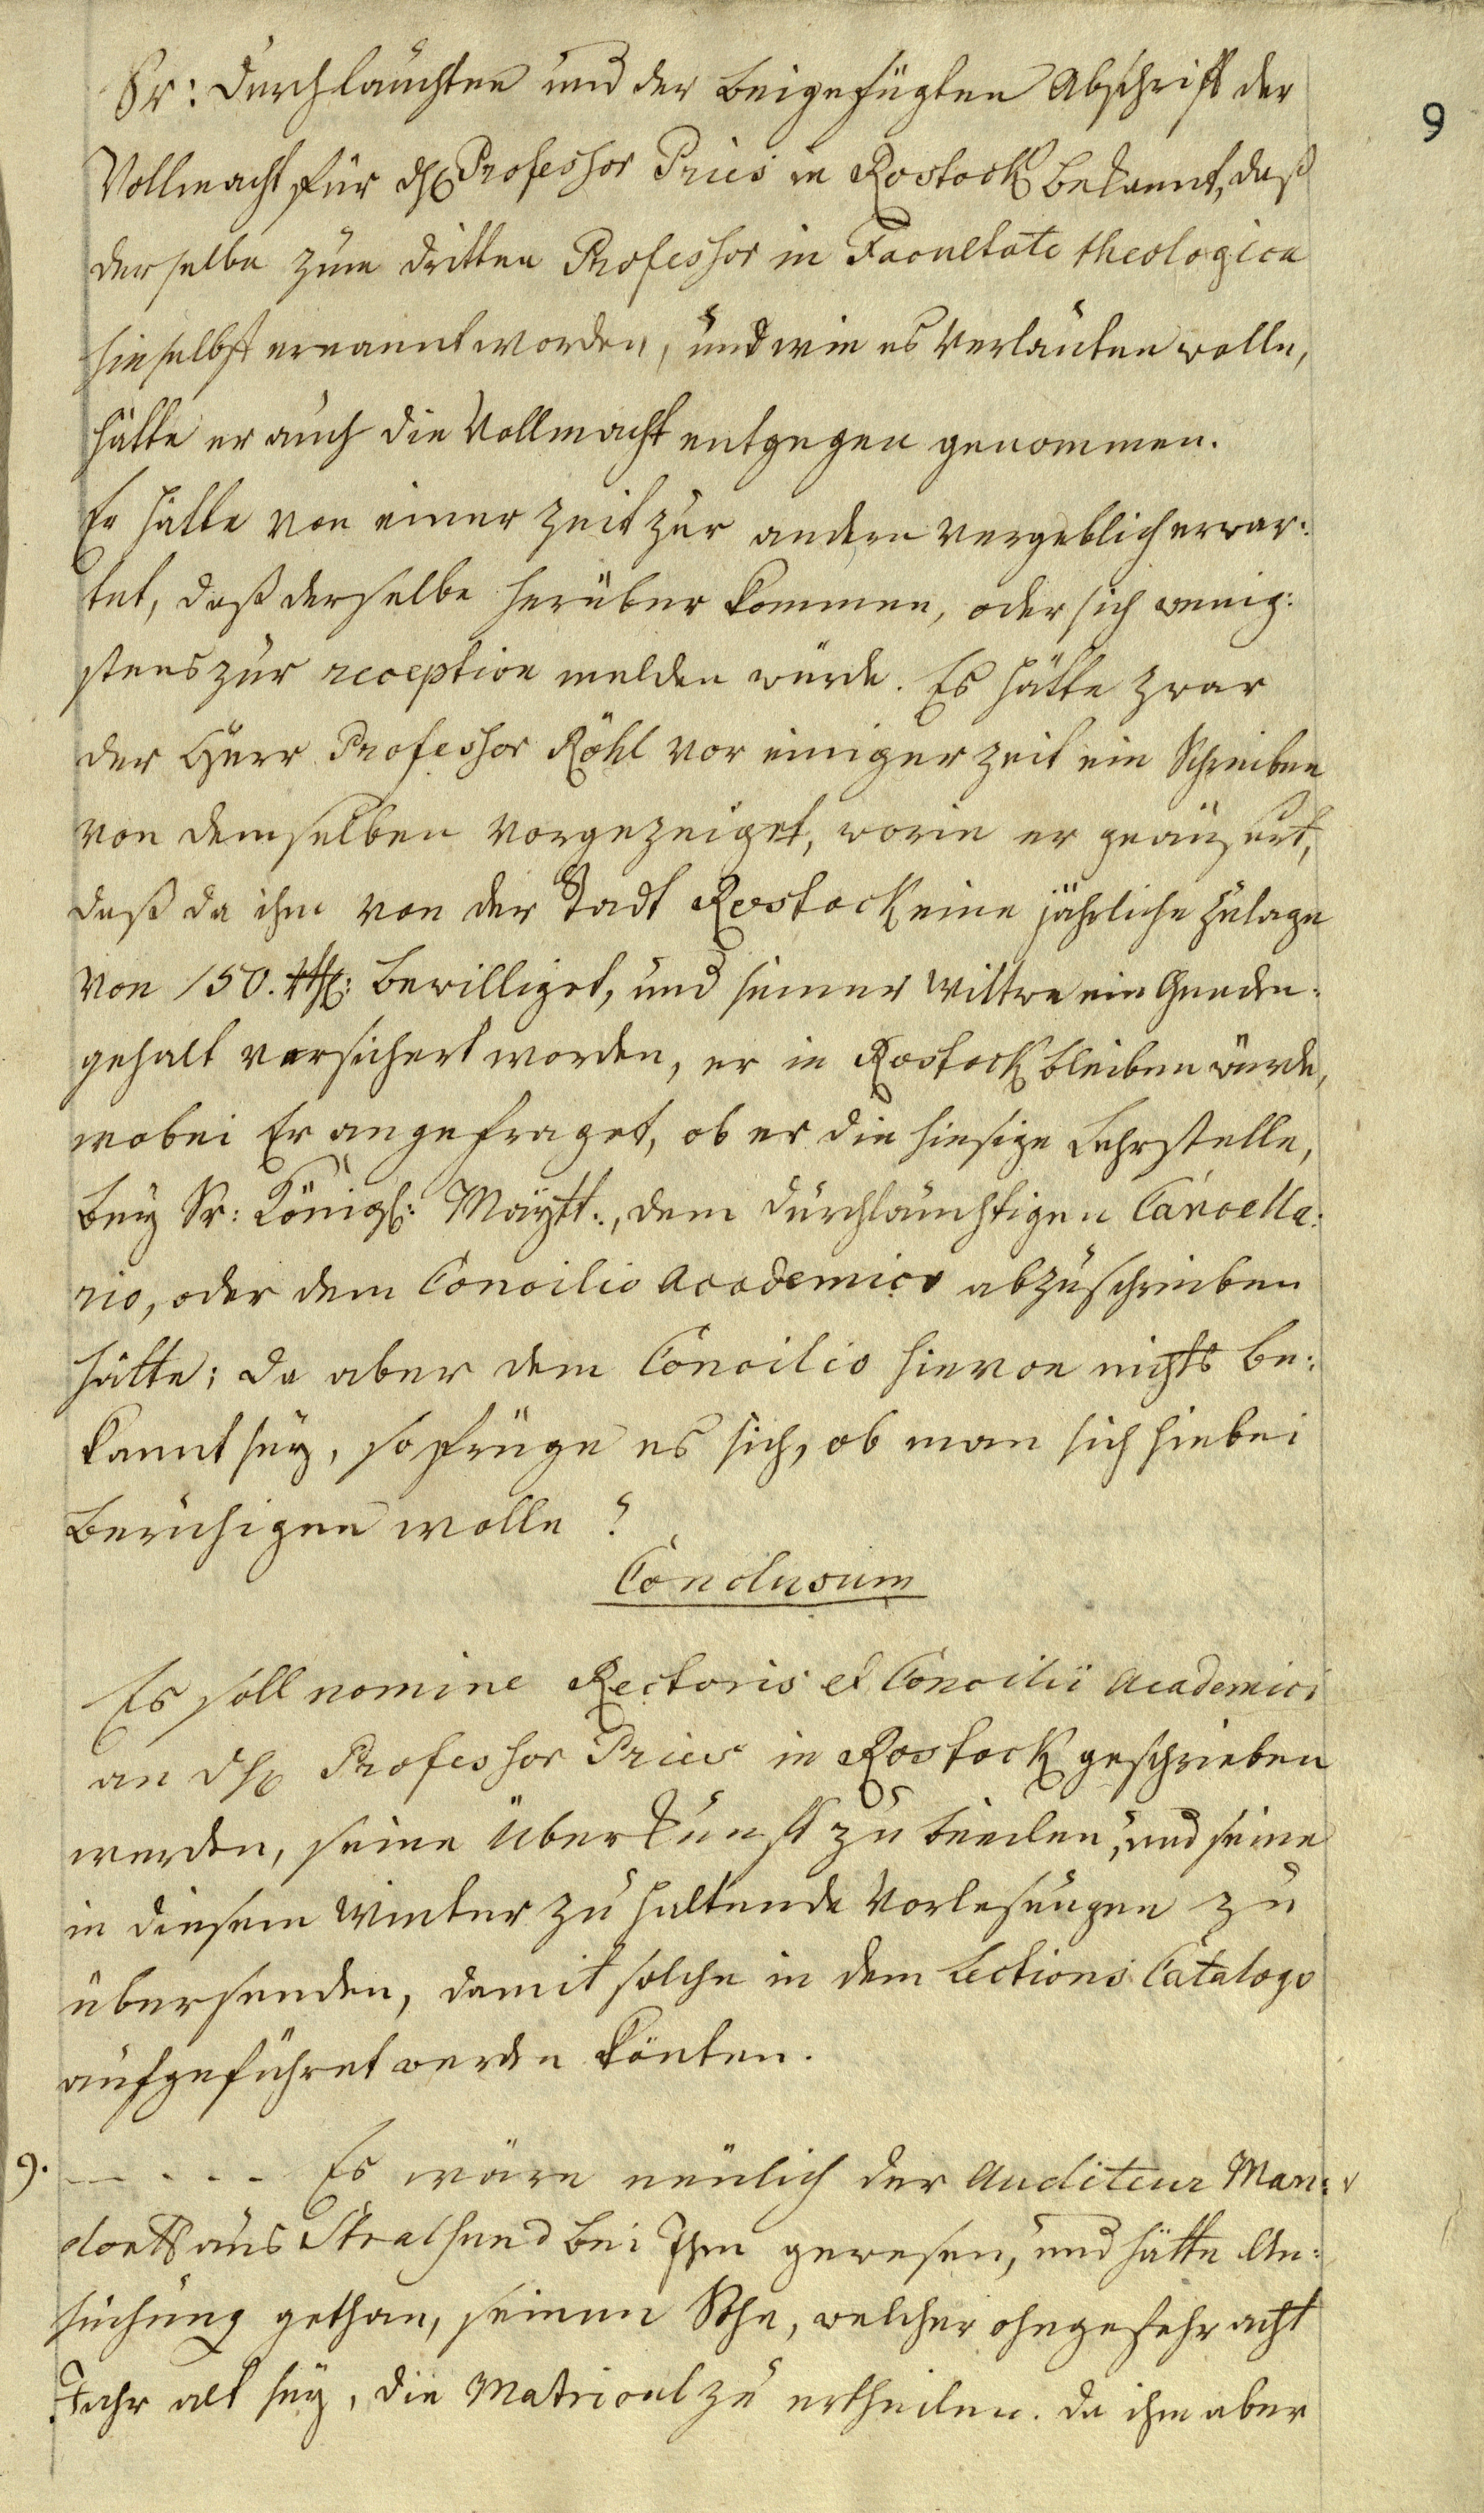Sr: Durchlauchten und der beigefügten Abschrift der
Vollmacht für dh Professor Pries in Rostock bekannt, daß
derselbe zum dritten Professor in Facultate theologica
hieselbst ernannt worden, und wie es verlauten wolle,
hätte er auch die Vollmacht entgegen genommen.
Er hätte von einer Zeit zur anderen vergeblich erwar¬
tet, daß derselbe herüber kommen, oder sich wenig¬
stens zur reception melden würde. Es hätte zwar
der Herr Professor Röhl vor einiger zeit ein Schreiben
von demselben vorgezeiget, worin er geäußert,
daß da ihm von der Stadt Rostock eine jährliche Zulage
von 150. r: bewilliget, und seiner Wittwe ein Gnaden¬
gehalt versichert worden, er in Rostock bleiben würde,
wobei Er angefraget, ob er die hiesige Lehrstelle,
beÿ Sr: Königl: Maÿtt., dem durchlauchtigen Cancella¬
rio, oder dem Concilio Academico abzuschreiben
hätte, da aber dem Concilio hievon nichts be¬
kannt seÿ, so früge es sich ob man sich hiebei
beruhigen wolle ?
Conclusum
Es soll nomine Rectoris et Concilii Academici
an dh Professor Pries in Rostock geschrieben
werden, seine Überkunft zu beeilen, und seine
in diesem Winter zu haltende Vorlesungen zu
übersenden, damit solche in dem Lections Catalogo
aufgeführet werden könten.
9, Es wäre neulich der Auditeur Man¬
dorff aus Stralsund bei Ihm gewesen, und hätte An¬
suchung gethan, seinen Sohn, welcher ohngefehr acht
Jahr alt seÿ, die Matricul zu ertheilen. da ihm aber